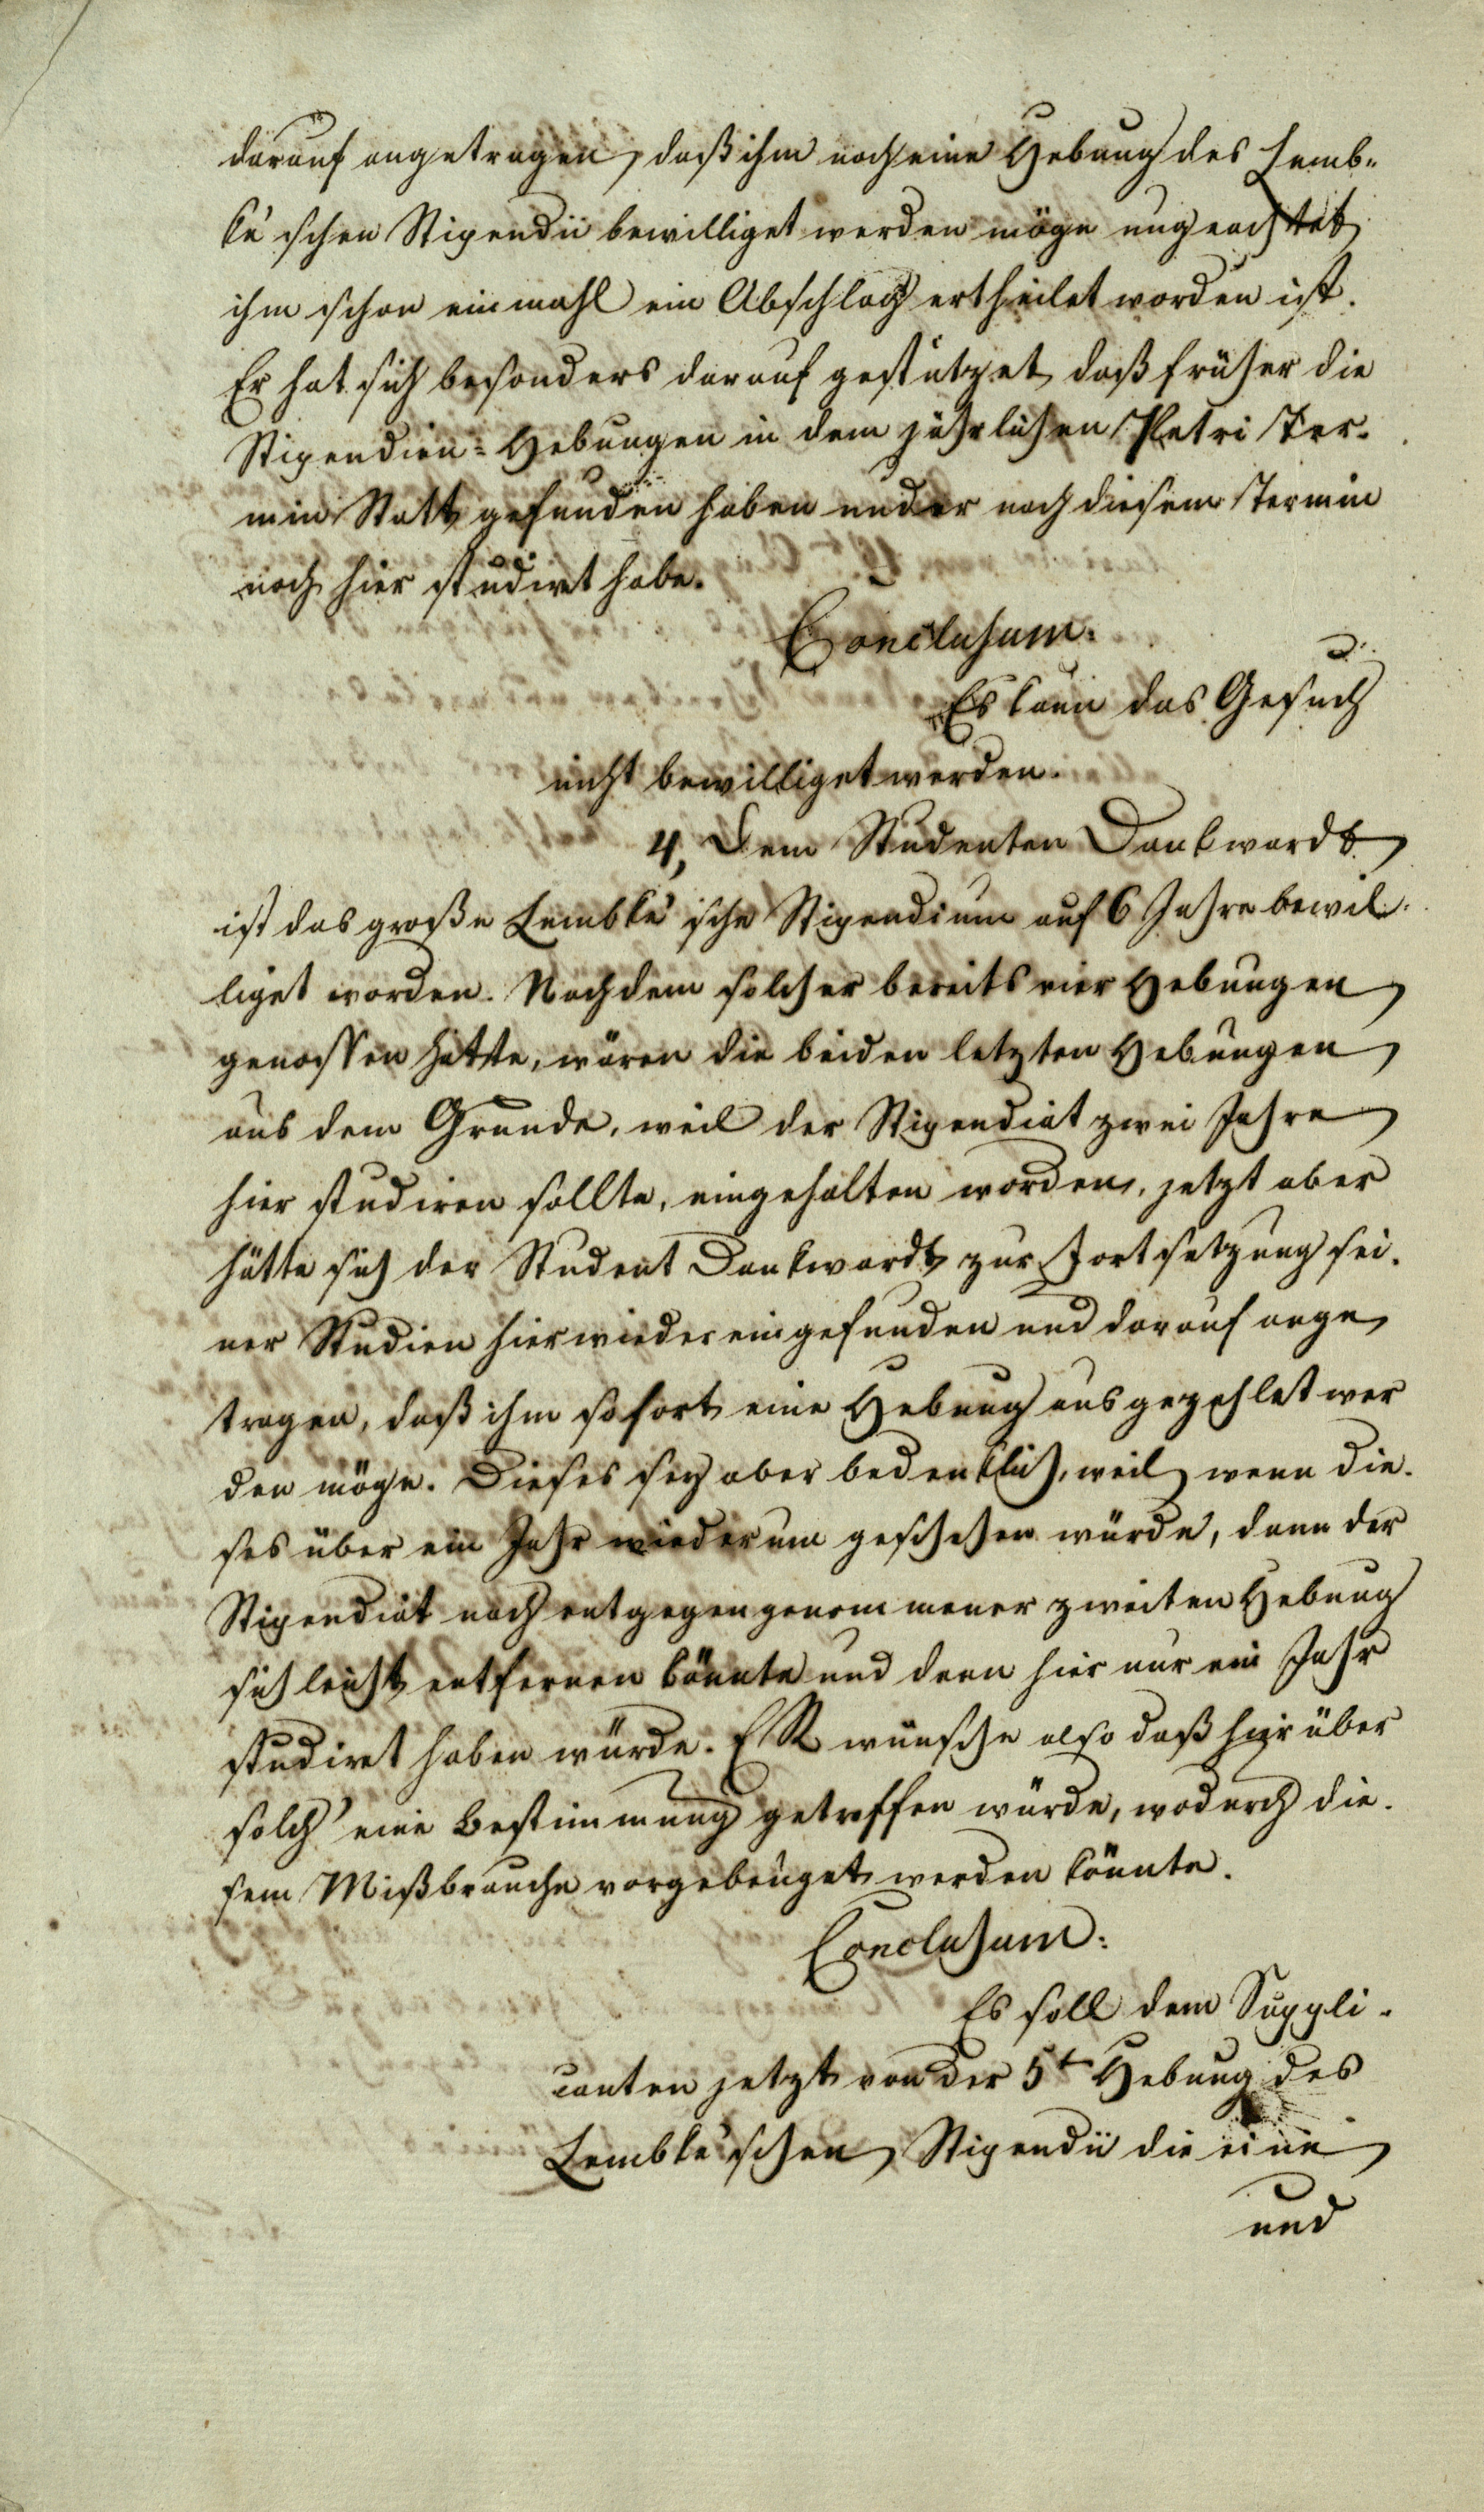darauf angetragen, daß ihm noch eine Hebung des Lemb¬
ke'schen Stipendii bewilliget werden möge ungeachtet,
ihm schon einmahl ein Abschlag ertheilet worden ist.
Er hat sich besonders darauf gestützet, daß früher die
Stipendien-Hebungen in dem jährlichen Petri Ter¬
min Statt gefunden haben und er nach diesem Termin
noch hierr studiret habe.
Conclusum:
Es kann das Gesuch
nicht bewilliget werden.
4, Dem Studenten Dankwardt
ist das große Lembke'sche Stipendium auf 6 Jahre bewil¬
liget worden. Nachdem solcher bereits vier Hebungen
genossen hätte, wären die beiden letzten Hebungen
aus dem Grunde, weil der Stipendiat zwei Jahre
hier studiren sollte, eingehalten worden, jetzt aber
hätte sich der Student Dankwardt zur Fortsetzung sei¬
ner Studien hier wieder eingefunden und darauf ange¬
tragen, daß ihm sofort eine Hebung ausgezahlet wer¬
den möge. Dieses sey aber bedenklich, weil wenn die¬
ses über ein Jahr wiederum geschehen würde, dann der
Stipendiat nach entgegengenommener zweiten Hebung
sich leicht entfernen könnte und denn hier nur ein Jahr
studiret haben würde. Er wünsche also daß hierüber
solch' eine Bestimmung getroffen würde, wodurch die¬
sem Mißbrauche vorgebeuget werden könnte.
Conclusum:
Es soll dem Suppli¬
canten jetzt von der 5 ten Hebung des
Lembke'schen Stipendii die eine
und